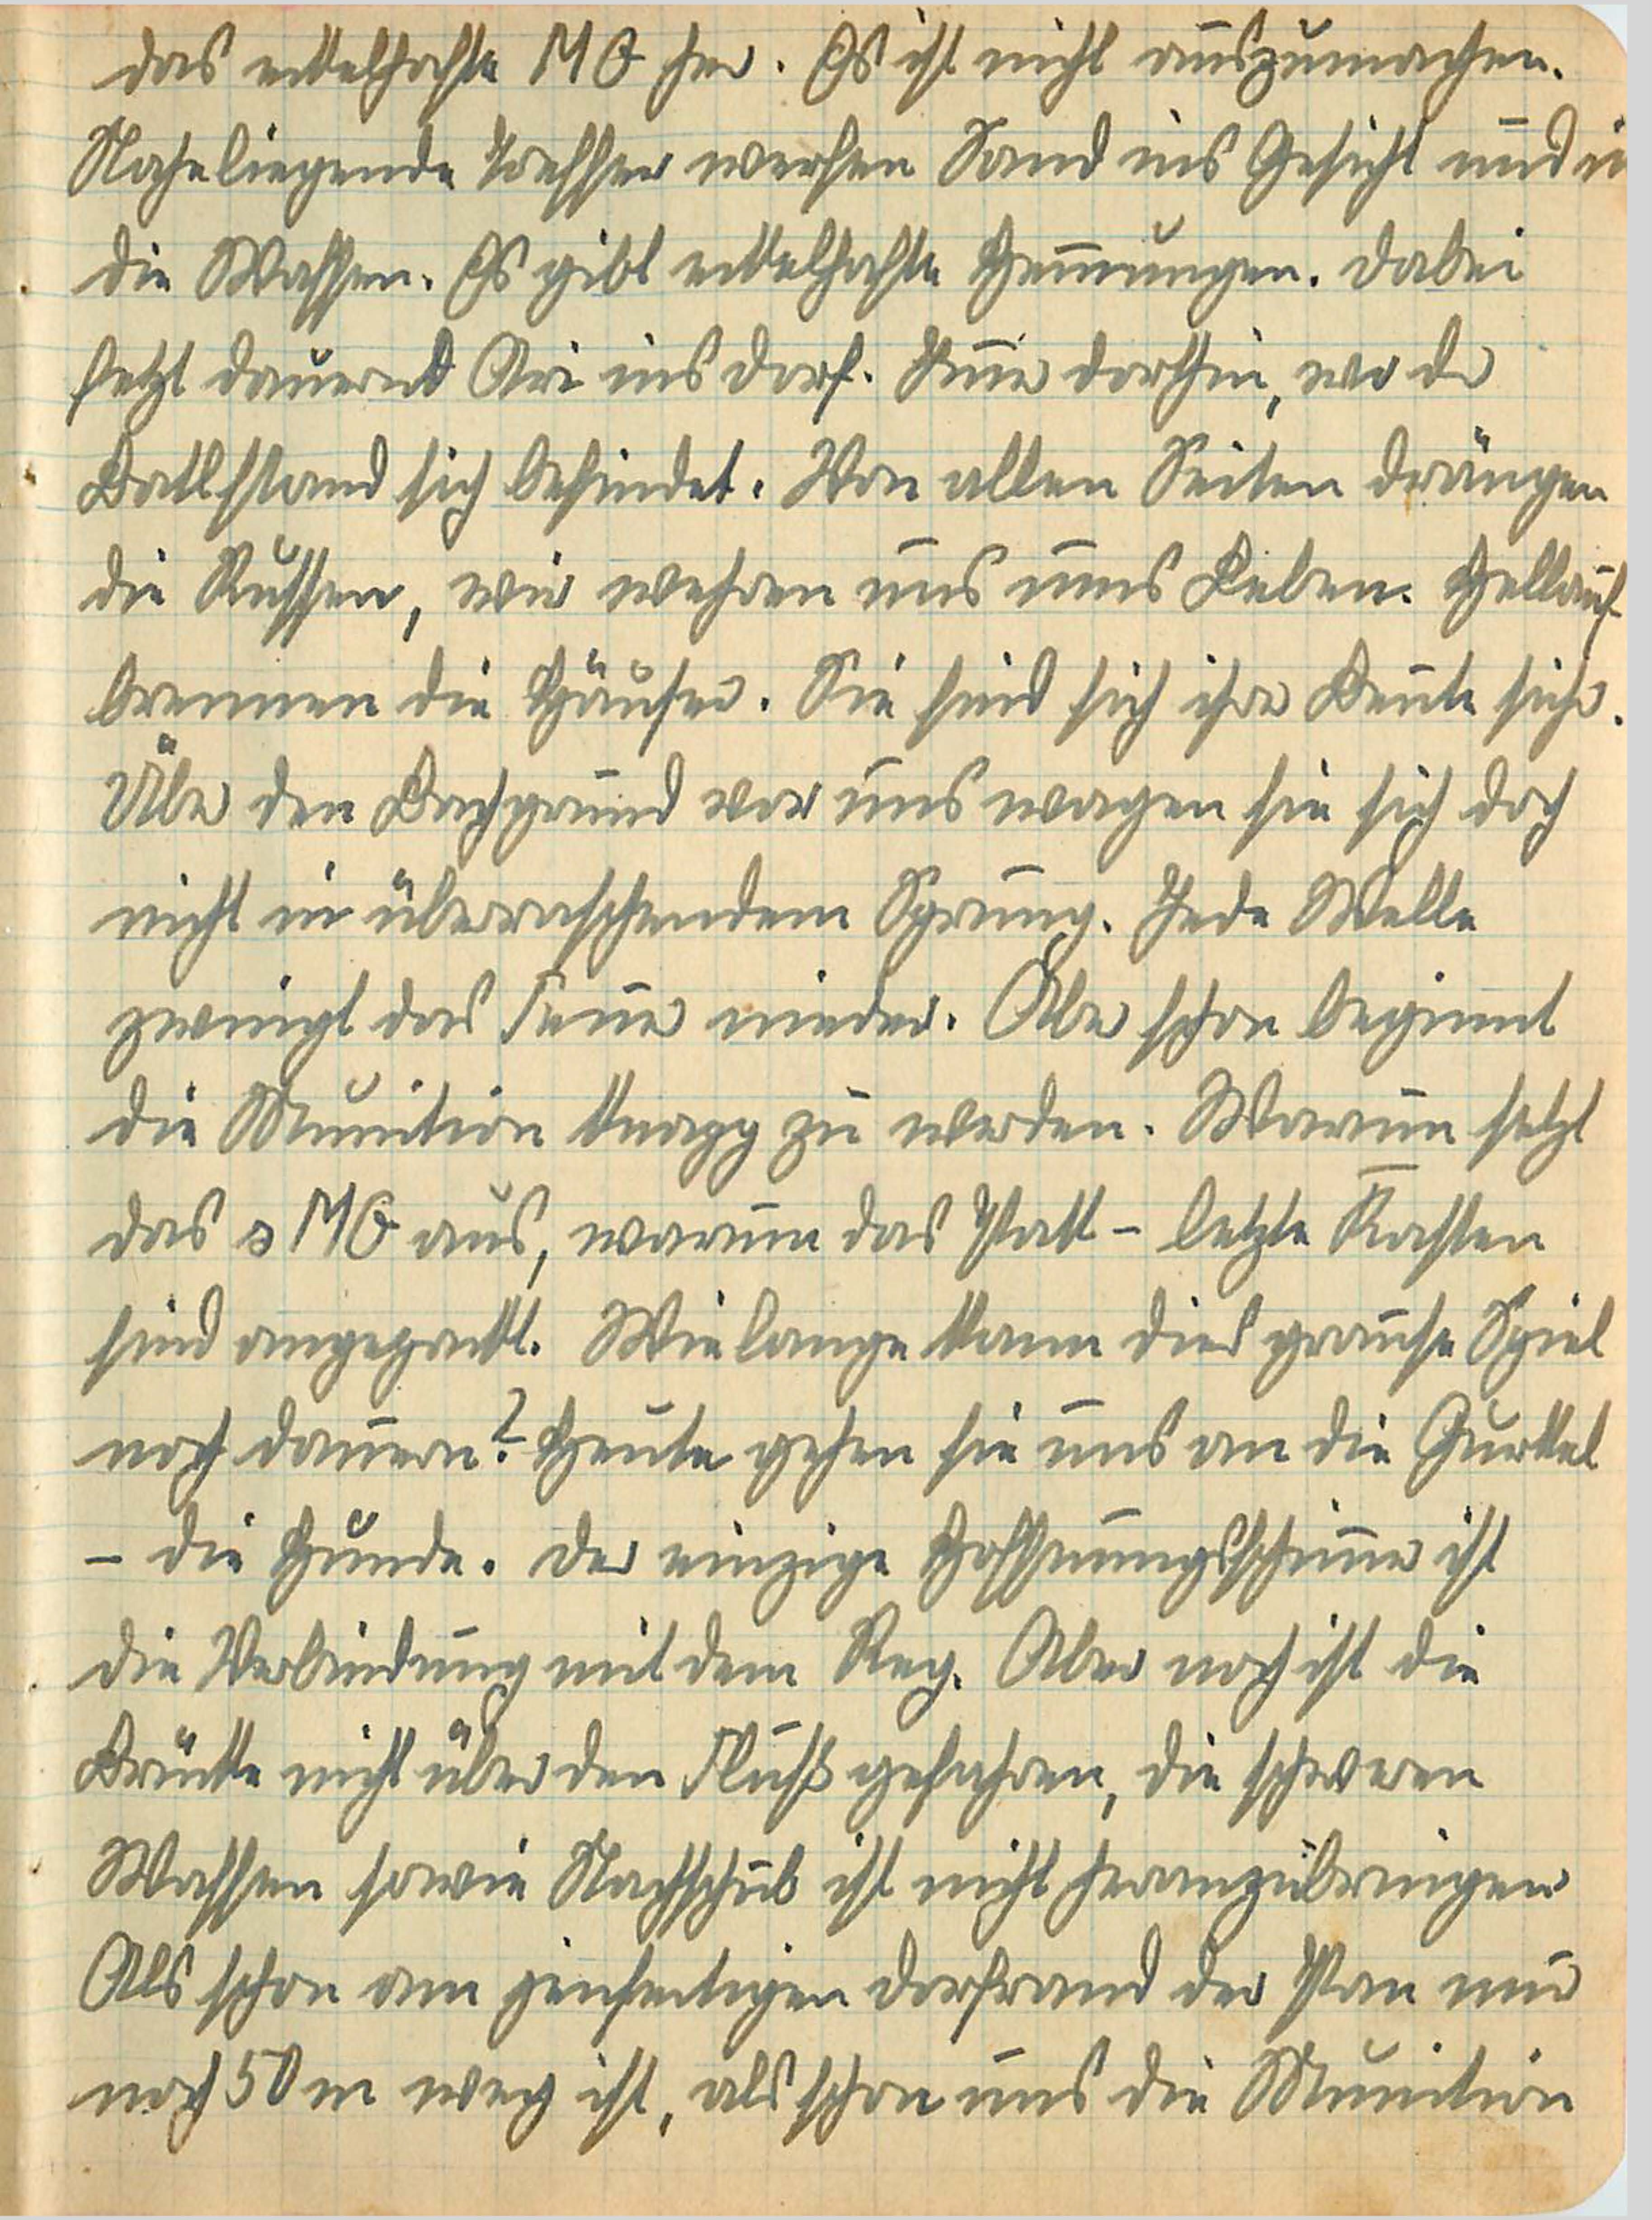das ekelhafte MG her. Es ist nicht auszumachen.
Naheliegende Treffer werfen Sand ins Gesicht und in
die Waffen. Es gibt ekelhafte Hemmungen. Dabei
fetzt dauernd Ari ins Dorf. Immer dorthin, wo der
Batl.stand sich befindet. Von allen Seiten drängen
die Russen, wir wehren uns ums Leben. Hellauf
brennen die Häuser. Sie sind sich ihrer Beute sicher.
Über den Bachgrund vor uns wagen sie sich doch
nicht in überraschendem Sprung. Jede Welle
zwingt das Feuer nieder. Aber schon beginnt
die Munition knapp zu werden. Warum setzt
das s MG aus, warum das Pak – letzte Kasten
sind angepackt. Wie lange kann dies grause Spiel
noch dauern? Heute gehen sie uns an die Gurkel
– die Hunde. Der einzige Hoffnungsschimmer ist
die Verbindung mit dem Reg. Aber noch ist die
Brücke nicht über den Fluß gefahren, die schweren
Waffen sowie Nachschub ist nicht heranzubringen.
Als schon am jenseitigen Dorfrand der Pan nur
noch 50 m weg ist, als schon uns die Munition